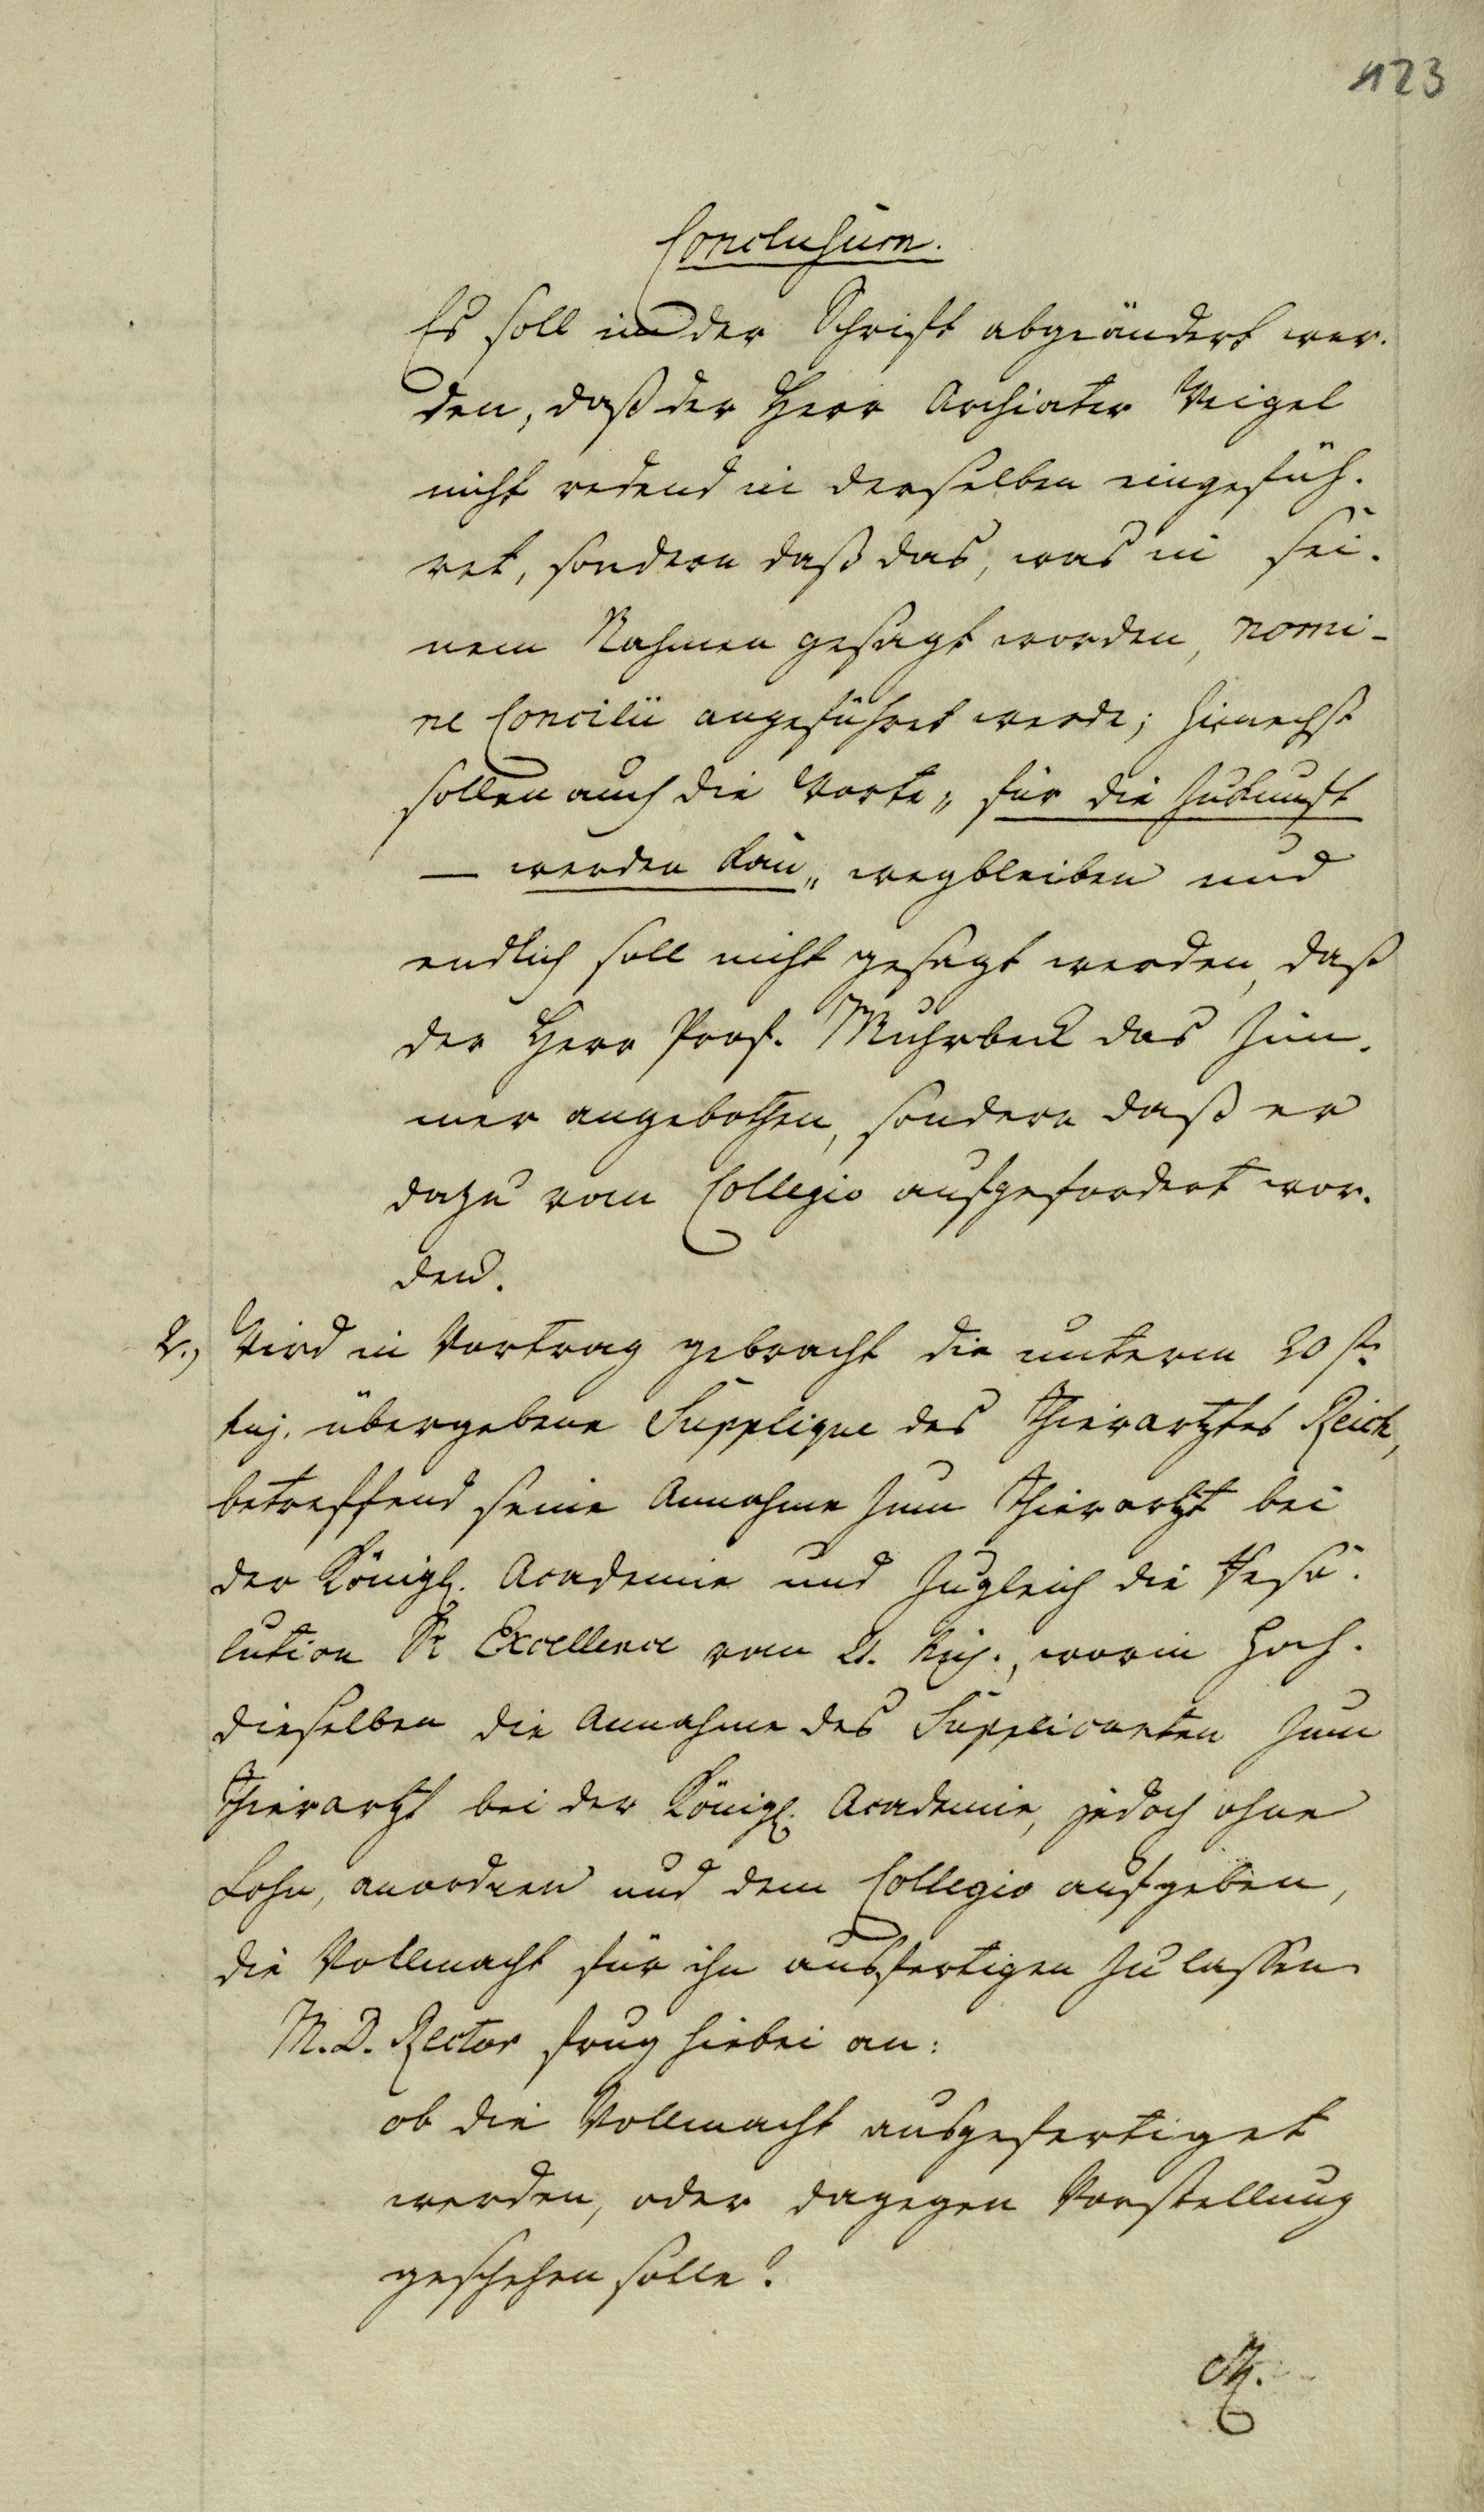Conclusum.
Es soll in der Schrift abgeändert wer¬
den, daß der Herr Archiater Weigel
nicht redend in derselben eingefüh¬
ret, sondern daß das, was in sei¬
nem Nahmen gesagt worden, nomi¬
ne Concilii angeführet werde; hienechst
sollen auch die Worte "für die Zukunft
werden kan" wegbleiben und
endlich soll nicht gesagt werden, daß
der Herr Prof. Muhrbeck das Zim¬
mer angebothen, sondern daß er
dazu vom Collegio aufgefordert wor¬
den.
2., Wird in Vortrag gebracht die unterm 20 st
huj. übergebene Supplique des Thierartztes Reich,
betreffend seine Annahme zum Thierartzt bei
der Königl. Academie und zugleich die Reso¬
lution Sr Excellence vom 21. huj., worin Hoch¬
dieselben die Annahme des Supplicanten zum
Thierartzt bei der Königl. Academie, jedoch ohne
Lohn, anordnen und dem Collegio aufgeben,
die Vollmacht für ihn ausfertigen zu lassen.
M. D. Rector frug hiebei an:
ob die Vollmacht ausgefertiget
werden, oder dagegen Vorstellung
geschehen solle?
dh.